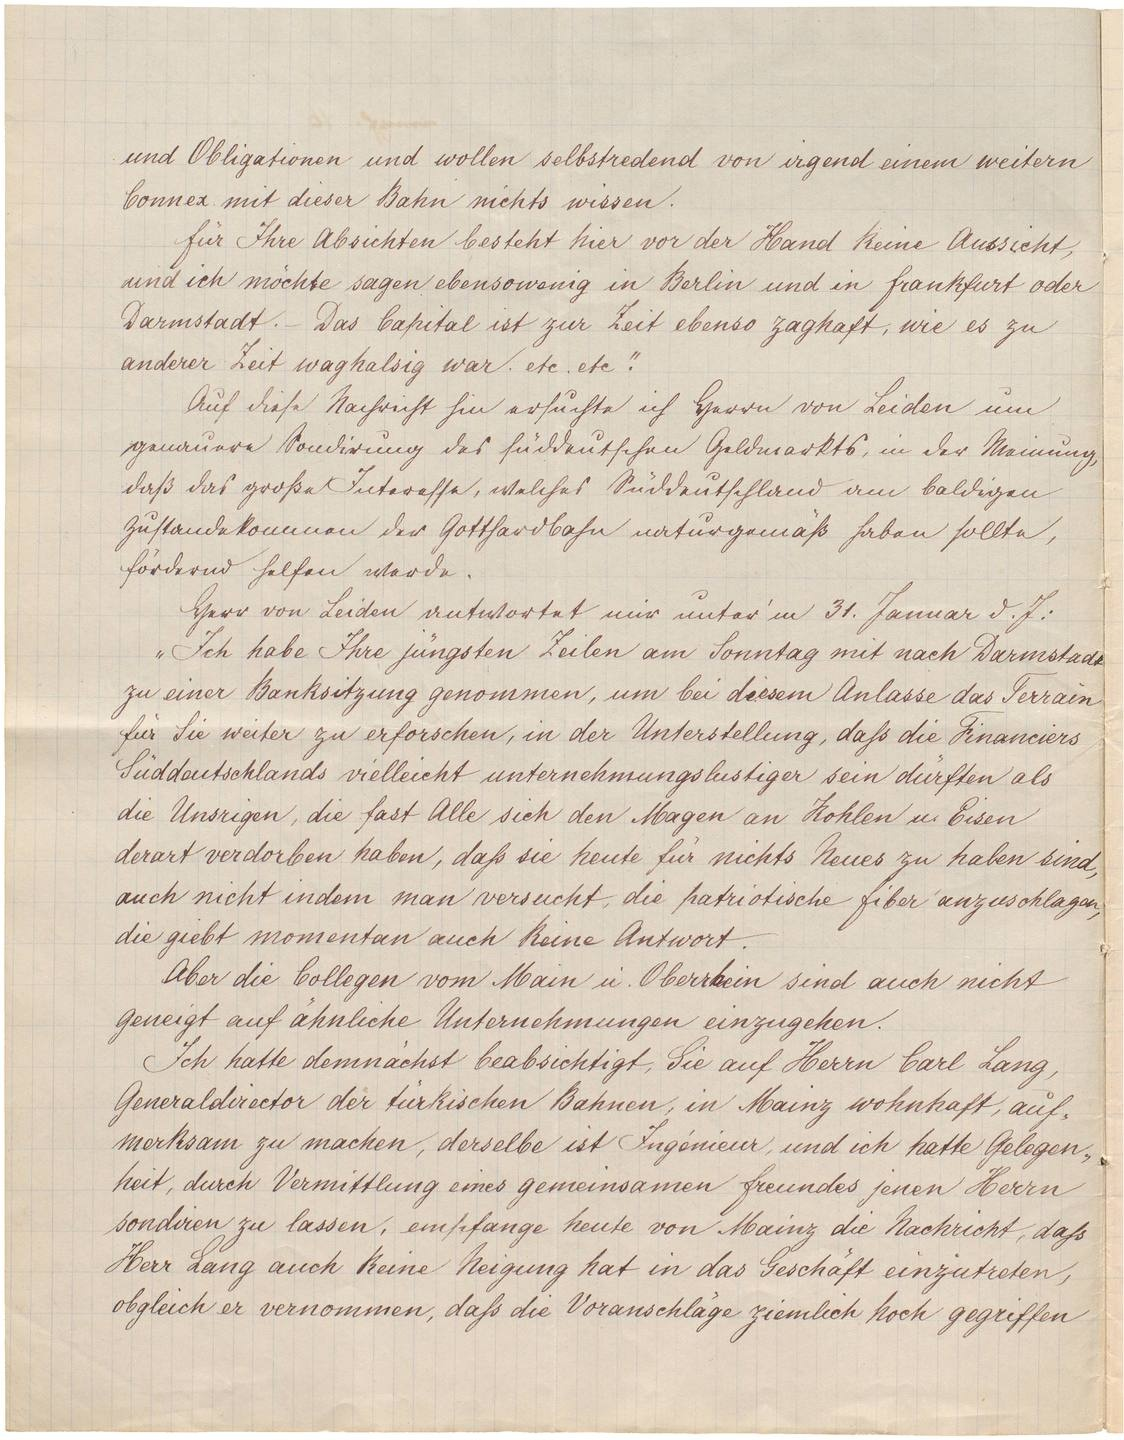und Obligationen und wollen selbstredend von irgend einem weitern
Connex. mit dieser Bahn nichts wissen.
Für Ihre Absichten besteht hier vor der Hand keine Aussicht,
und ich möchte sagen ebensowenig in Berlin und in Frankfurt oder
Darmstadt. – Das Capital ist zur Zeit ebenso zaghaft, wie es zu
anderer Zeit waghalsig war. etc. etc.»
Auf diese Nachricht hin ersuchte ich Herrn von Leiden um
genauere Sondirung des süddeutschen Geldmarkts, in der Meinung,
daß das große Interesse, welches Süddeutschland am baldigen
Zustandekommen der Gotthardbahn naturgemäß haben sollte,
fördernd helfen werde.
Herr von Leiden antwortet mir unter'm 31. Januar d. J :
«Ich habe Ihre jüngsten Zeilen am Sonntag mit nach Darmstadt
zu einer Banksitzung genommen, um bei diesem Anlasse das Terrain
für Sie weiter zu erforschen, in der Unterstellung, daß die Financiers
Süddeutschlands vielleicht unternehmungslustiger sein dürften als
die Unsrigen, die fast Alle sich den Magen an Kohlen u. Eisen
derart verdorben haben, daß sie heute für nichts Neues zu haben sind,
auch nicht indem man versucht, die patriotische Fiber anzuschlagen;
die giebt momentan auch keine Antwort.
Aber die Collegen vom Main u. Oberrhein sind auch nicht
geneigt auf ähnliche Unternehmungen einzugehen.
Ich hatte demnächst beabsichtigt, Sie auf Herrn Carl Lang,
Generaldirector der türkischen Bahnen, in Mainz wohnhaft, auf-
merksam zu machen, derselbe ist Ingénieur, und ich hatte Gelegen-
heit, durch Vermittlung eines gemeinsamen Freundes jenen Herrn
sondiren zu lassen, empfange heute von Mainz die Nachricht, daß
Herr Lang auch keine Neigung hat in das Geschäft einzutreten,
obgleich er vernommen,
daß die Voranschläge ziemlich hoch gegriffen